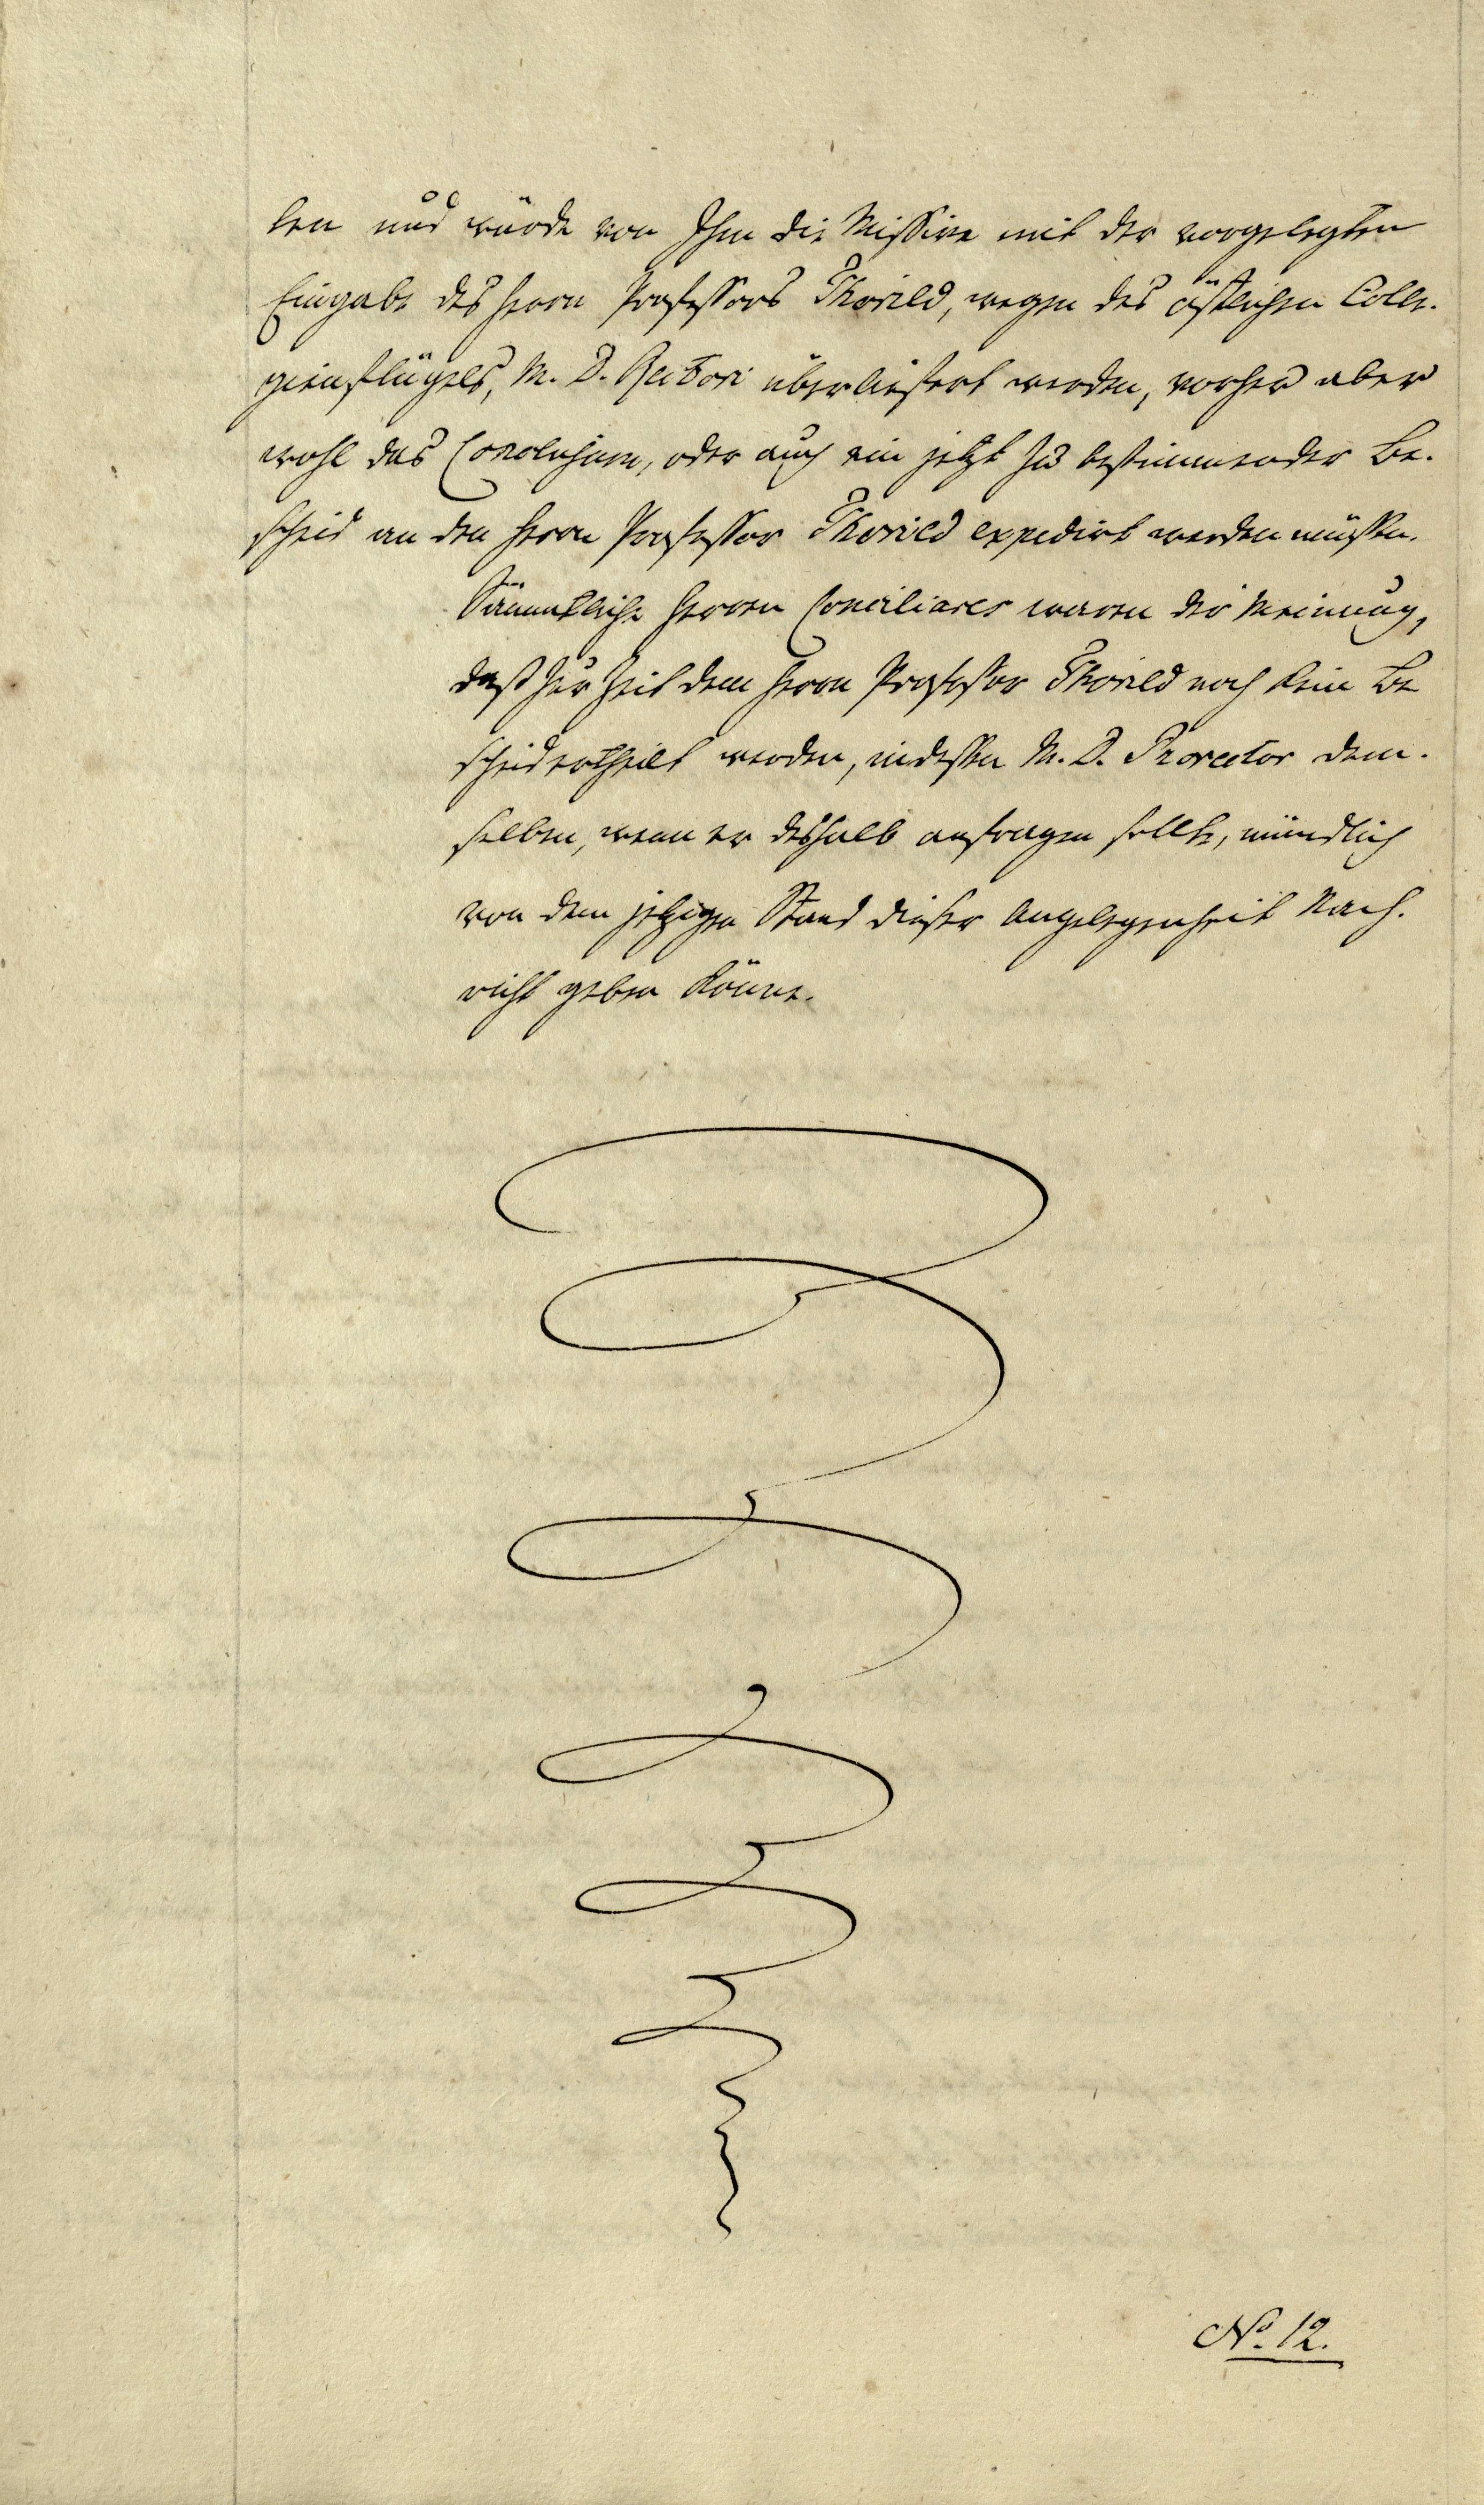den und würde von Ihm die Missive mit der vorgelegten
Eingabe des Herrn Professors Thorild, wegen des östlichen Colle¬
gienflügels, M. D. Rectori überliefert werden, vorher aber
wohl das Conclusum, oder auch ein jetzt zu bestimmender Be¬
scheid an den Herrn Professor Thorild expedirt werden müssen.
Sämmtliche Herren Conciliares wären der Meinung,
daß zur Zeit dem Herrn Professor Thorild noch kein Be¬
scheid ertheilt werden, indessen M. D. Prorector dem¬
selben, wenn er deshalb anfragen sollte, mündlich
von dem jetzigen Stand dieser Angelegenheit Nach¬
nicht geben könne.
No 12.